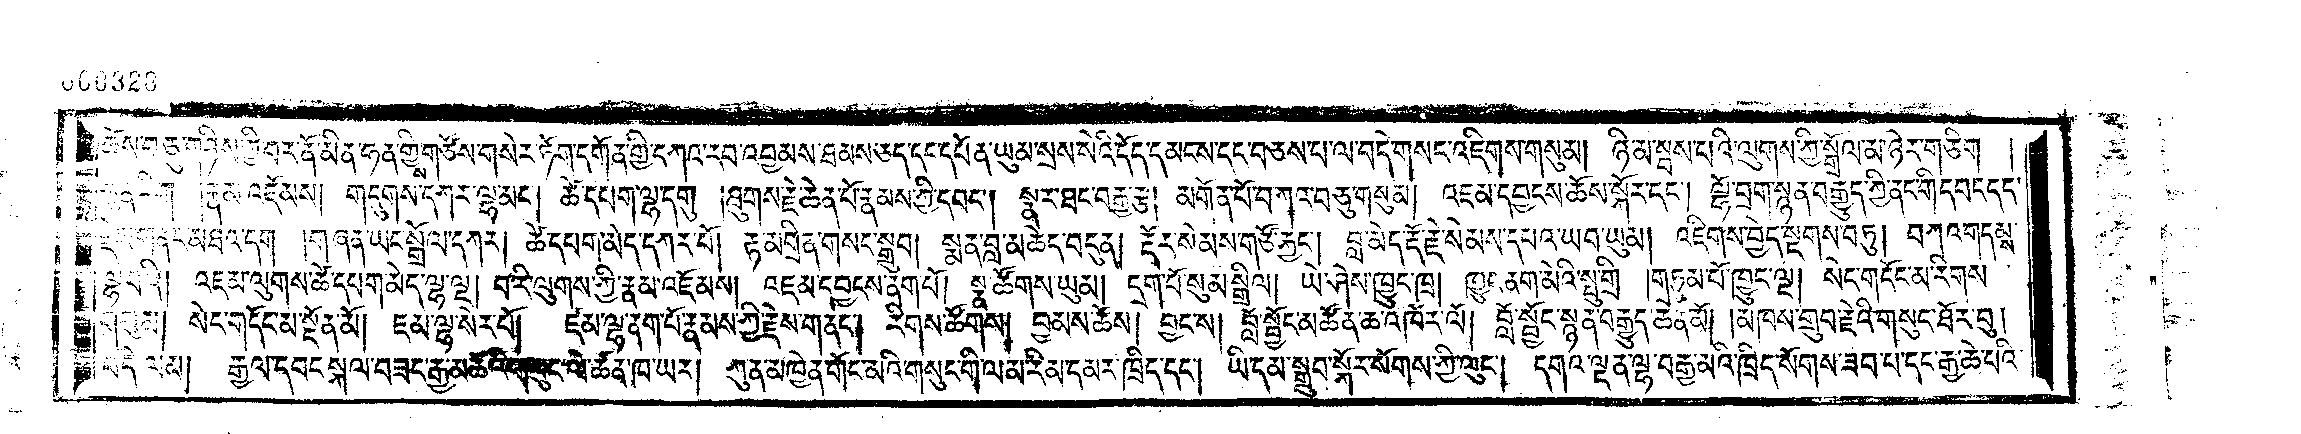ཚེས་བཅུ་གཉིས་ཀྱི་བར་ནོ་མིན་ཧན་གྱིས་གཙོས་གསེར་ཏོག་དགོན་གྱི་དཀའ་རབ་འབྱམས་ཐམས་ཅད་དང་དཔོན་ཡུམ་སྲས་སེའི་དོད་དམངས་དང་བཅས་པ་ལ་བདེ་གསང་འཇིགས་གསུམ། ཉི་མ་སྤས་པའི་ལུགས་ཀྱི་སྒྲོལ་མ་ཉེར་གཅིག །
ཀུན་རིག །རྣམ་འཇོམས། གདུགས་དཀར་ལྷ་མང་། ཚེ་དཔག་ལྷ་དགུ །ཐུགས་རྗེ་ཆེན་པོ་རྣམས་ཀྱི་དབང་། སྣར་ཐང་བརྒྱ་རྩ། མགོན་པོ་བཀའ་བཅུ་གསུམ། འཇམ་དབྱངས་ཆོས་སྐོར་དང་། ལྷོ་བྲག་སྙན་བརྒྱུད་ཀྱི་ནང་གི་དབང་དང་
རྗེས་གནང་མཐའ་དག །གཞན་ཡང་སྒྲོལ་དཀར། ཚེ་དཔག་མེད་དཀར་པོ། རྟ་མགྲིན་གསང་སྒྲུབ། སྨན་བླ་མཆེད་བདུན། རྡོར་སེམས་གཙོ་རྐྱང་། བླ་མེད་རྡོ་རྗེ་སེམས་དཔའ་ཡབ་ཡུམ། འཇིགས་བྱེད་སྔགས་བཏུ། བཀའ་གདམས་
ལྷ་བཞི། འཇམ་ལུགས་ཚེ་དཔག་མེད་ལྷ་ལྔ། བ་རི་ལུགས་ཀྱི་རྣམ་འཇོམས། འཇམ་དབྱངས་ནག་པོ། སྣ་ཚོགས་ཡུམ། དྲག་པོ་སུམ་སྒྲིལ། ཡེ་ཤེས་ཁྱུང་ཁྲ། ཁྱུང་ནག་མེའི་སྤུ་གྲི་།གཏུམ་པོ་ཁྱུང་ལྔ། སེང་གདོང་མ་རིགས་
གསུམ། སེང་གདོང་མ་སྔོན་མོ། ཛམ་ལྷ་སེར་པོ། ཛམ་ལྷ་ནག་པོ་རྣམས་ཀྱི་རྗེས་གནང་། རིགས་ཚོགས། བྱམས་ཆོས། བྱང་ས། བློ་སྦྱོང་མཚོན་ཆ་འཁོར་ལོ། བློ་སྦྱོང་སྙན་བརྒྱུད་ཆེན་མོ། །མཁས་གྲུབ་རྗེའི་གསུང་ཐོར་བུ།
བདེ་ལམ། རྒྱལ་དབང་སྐལ་བཟང་རྒྱ་མཚོའི་གསུང་ལེ་ཚན་ཁ་ཡར། ཀུན་མཁྱེན་གོང་མའི་གསུང་གི་ལམ་རིམ་དམར་ཁྲིད་དང་། ཡི་དམ་སྒྲུབ་སྐོར་སོགས་ཀྱི་ལུང་། དགའ་ལྡན་ལྷ་བརྒྱ་མའི་ཁྲིད་སོགས་ཟབ་པ་དང་རྒྱ་ཆེ་བའི་